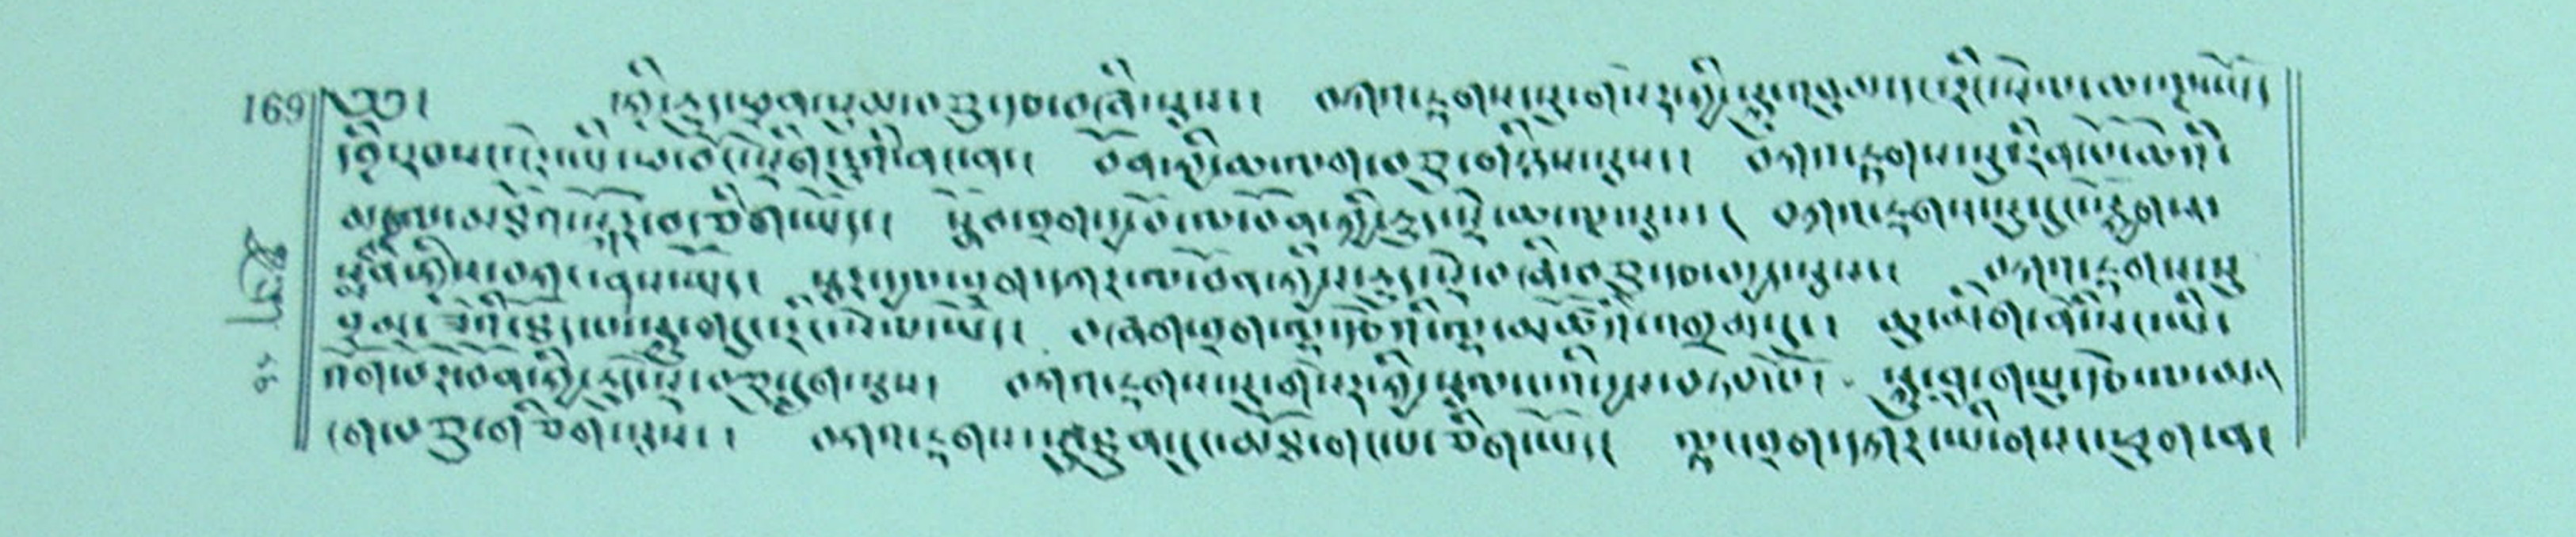༄༅། །གྱི་རྒྱུད་ཕྲན་སུམ་བཅུ་རྩ་བཞི་སྦས། བཀའ་རྟགས་སུ་གསེར་གྱི་སྐུ་འབུམ་དང་རིང་སྲེལ་ཆ་ལྔ་ཡོད། 
དབྱི་ར་ངེར་གྱི་ཕ་བོང་སྡིག་རུའི་ནང་ན། བོན་གྱི་ཆ་ལག་བཅུ་གཉིས་སྦས། བཀའ་རྟགས་སུ་རིན་པོ་ཆེའི་
མཎྜལ་མཐོ་སྐོར་བ་གཅིག་ཡོད། སྣོབ་བྲག་རྒྱལ་མོ་ལ་བོན་གྱི་རྒྱུད་སྡེ་ཆ་ལྔ་སྦས། བཀའ་རྟགས་སུ་དུང་སྐྱོགས་
སྨན་གྱིས་བཀང་ནས་ཡོད། སྦར་རྒྱལ་བྲག་དཀར་ལ་བོན་གྱིས་རྒྱུད་སྡེ་བཞི་བཅུ་རྩ་བརྒྱད་སྦས། བཀའ་རྟགས་སུ་
བྲམ་ཟེའི་ཐོད་པ་སྐུ་གདུང་རིང་སྲེལ་ཡོད། བཞག་བྲག་ལྷ་རྩེའི་ལྷ་མཚོའི་འགྲམ་དུ་ ཆུ་མིག་ནེའུ་སེང་གི་
མགོ་བོར་བོན་གྱི་རྒྱུད་སྡེ་བཅུ་དྲུག་སྦས། བཀའ་རྟགས་སུ་གསེར་གྱི་སྦལ་བའི་རྒྱས་བཏབ་བོ། །སྐུ་བླ་གཡུ་རྩེ་ལ་མན་
ངག་བཅུ་གཅིག་སྦས། བཀའ་རྟགས་སུ་ཐུན་དུང་མཐོ་གང་བ་ཅིག་ཡོད། ལྟང་བྲག་དཀར་གྱི་གསང་ཕུག་ན།